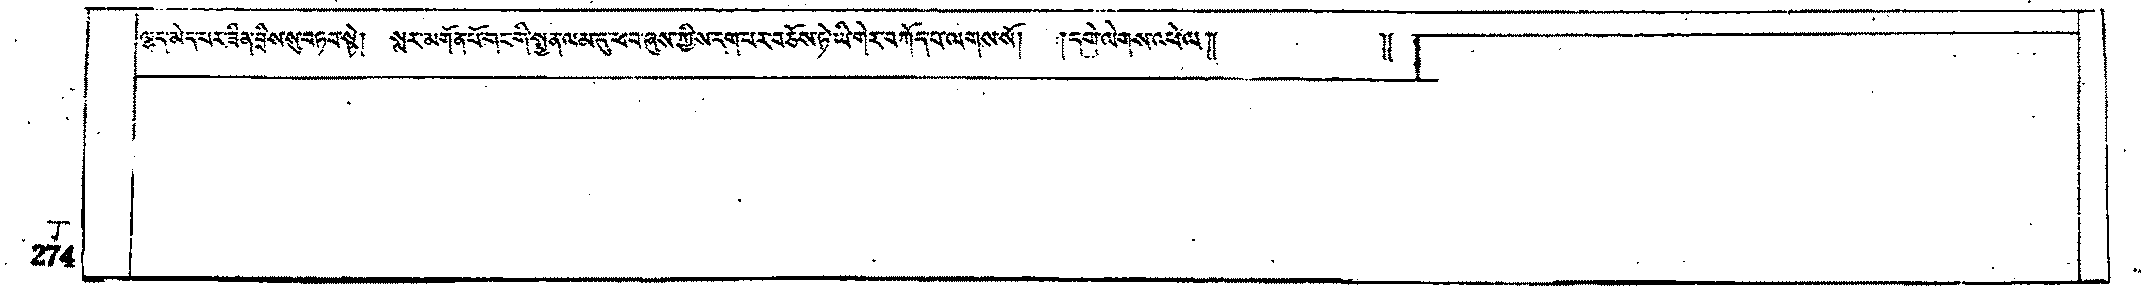ལྷད་མེད་པར་ཟིན་བྲིས་སུ་བཏབ་སྟེ། སླར་མགོན་པོ་གང་གི་སྤྱན་ལམ་དུ་ཕབ་ཞུས་ཀྱིས་དག་པར་བཅོས་ཏེ་ཡི་གེར་བཀོད་པ་ལགས་སོ། །དགེ་ལེགས་འཕེལ།། །།